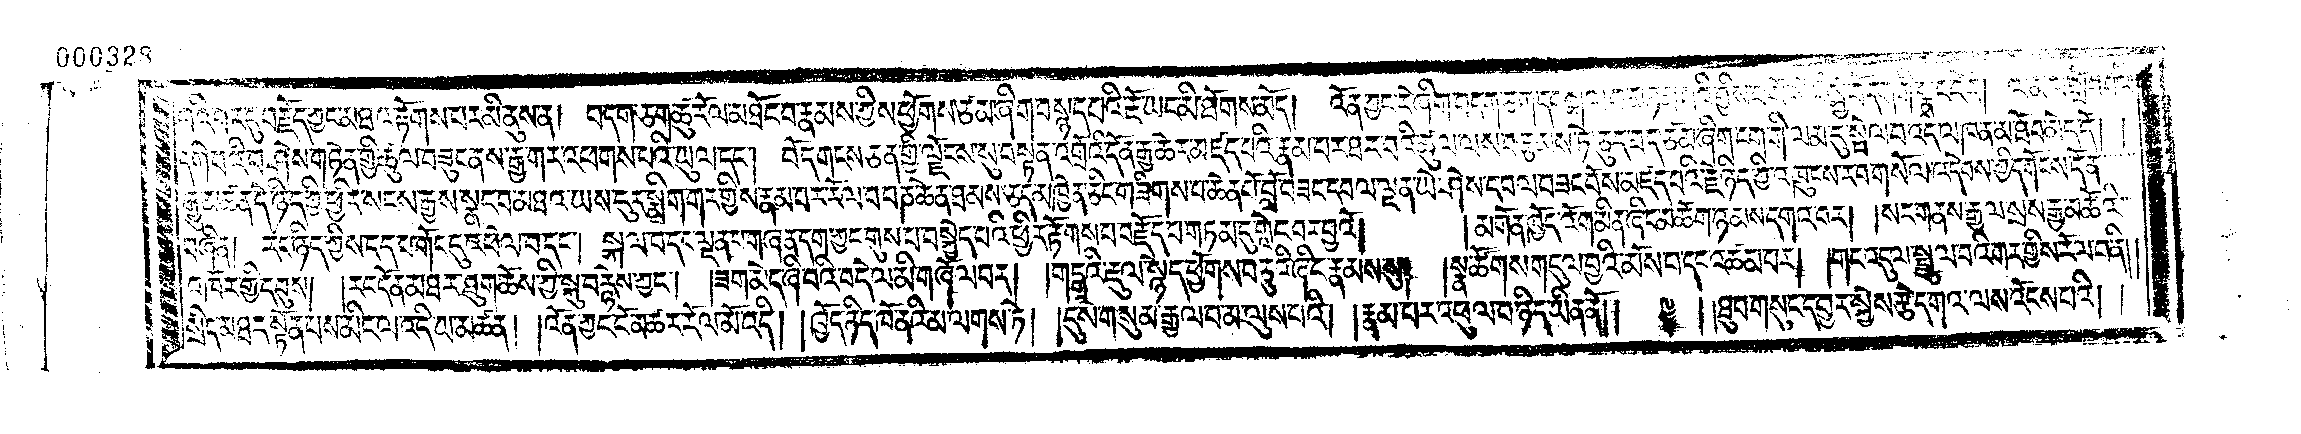བའི་བར་དུ་བརྗོད་ཀྱང་མཐའ་རྟོགས་པར་མི་ནུས་ན། བདག་ཅག་ཚུ་རོལ་མཐོང་བ་རྣམས་ཀྱིས་ཕྱོགས་ཙམ་ཞིག་བསྙད་པའི་རྡོ་ཡང་མི་ཐོགས་མོད། འོན་ཀྱང་རེ་ཞིག་བདག་ཅག་དང་སྐལ་བ་མཉམ་པའི་བྱིས་པ་སོ་སོའི་སྐྱེ་བོ་དག་གི་སྣང་ངོར། ལམ་ལ་སློབ་པའི་
དགེ་བའི་བཤེས་གཉེན་གྱི་ཚུལ་བཟུང་ནས་རྒྱ་གར་འཕགས་པའི་ཡུལ་དང་། བོད་གངས་ཅན་གྱི་ལྗོངས་སུ་བསྟན་འགྲོའི་དོན་རྒྱ་ཆེར་མཛད་པའི་རྣམ་པར་ཐར་པའི་ཚུལ་ལས་བརྩམས་ཏེ་ཅུང་ཟད་ཙམ་ཞིག་ངག་གི་ལམ་དུ་སྤེལ་བ་འདི་ལ་ཁ་ན་མ་ཐོབ་མེད་དོ། །
རྒྱུ་མཚན་དེ་ཉིད་ཀྱི་ཕྱིར་སངས་རྒྱས་སྣང་བ་མཐའ་ཡས་ངུར་སྨྲིག་གར་གྱིས་རྣམ་པར་རོལ་པ་པཎ་ཆེན་ཐམས་ཅད་མཁྱེན་ཅིང་གཟིགས་པ་ཆེན་པོ་བློ་བཟང་དཔལ་ལྡན་ཡེ་ཤེས་དཔལ་བཟང་བོས་མཛད་པའི་རྗེ་ཉིད་ཀྱི་འཁྲུངས་རབ་གསོལ་འདེབས་ཀྱི་དགོངས་དོན་
བཞིན། རང་ཉིད་ཀྱིས་དད་པ་གོང་དུ་འཕེལ་བ་དང་། སྐལ་བ་དང་ལྡན་པ་གཞན་དག་ཀྱང་གུས་པ་བསྐྱེད་པའི་ཕྱིར་རྟོགས་པ་བརྗོད་པ་གཏམ་དུ་གླེང་བར་བྱའོ། །མགོན་ཁྱོད་འོག་མིན་ཞིང་མཆོག་ཉམས་དགའ་བར། །སར་གནས་རྒྱལ་སྲས་རྒྱ་མཚོའི་
འཁོར་གྱི་དབུས། །རང་དོན་མཐར་ཐུག་ཆོས་ཀྱི་སྐུ་བརྙེས་ཀྱང་། །ཟག་མེད་ཞི་བའི་བདེ་ལ་མི་གཞོལ་བར། །གངྒཱའི་རྡུལ་སྙེད་ཕྱོགས་བཅུའི་ཞིང་རྣམས་སུ། །སྣ་ཚོགས་གདུལ་བྱའི་མོས་པ་དང་འཚམ་པར། །གང་འདུལ་སྤྲུལ་བའི་གར་གྱིས་རོལ་པ་ནི།།
སྲིད་མཐར་སྟོན་པས་མི་ངལ་འདི་ཡ་མཚན། །འོན་ཀྱང་ངོ་མཚར་རོལ་མོ་འདི། །ཁྱོད་ཉིད་ཁོ་ནའི་མ་ལགས་ཏེ། །དུས་གསུམ་རྒྱལ་བ་མ་ལུས་པའི། །རྣམ་པར་འཕྲུལ་བ་ཉིད་ཡིན་ནོ།། ༈ །།ཐུབ་གསུང་དབྱར་སྐྱེས་རྩེ་དགའ་ལས་འོངས་པའི། །